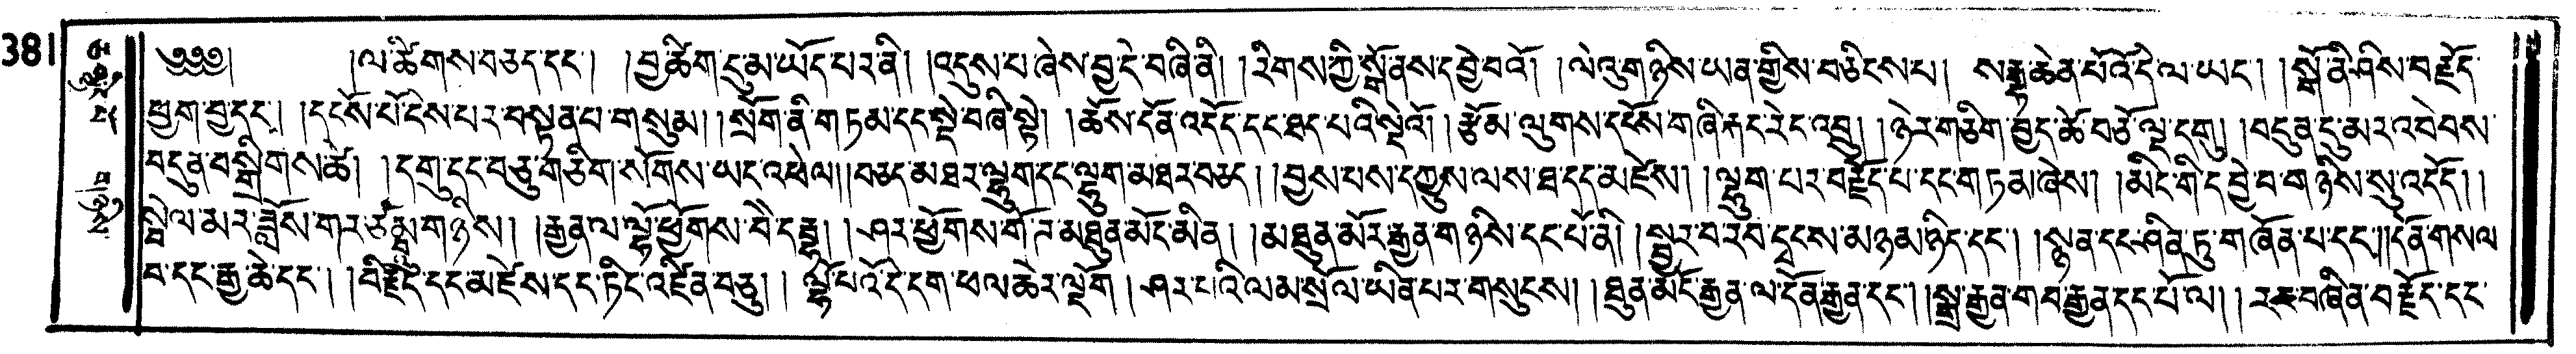༄༅༅། །ལ་ཚིགས་བཅད་དང་། །བྱ་ཚིག་དུ་མ་ཡོད་པར་ནི། །འདུས་པ་ཞེས་བྱ་དེ་བཞི་ནི། །རིགས་ཀྱི་སྒོ་ནས་དབྱེ་བའོ། །ལེའུ་གཉིས་ཡན་གྱིས་བཅིངས་པ། སརྒྷ་ཆེན་པོའོ་དེ་ལ་ཡང་། །སྒོ་ནི་ཤིས་བརྗོད་
ཕྱག་བྱ་དང་། །དངོས་པོ་ངེས་པར་བསྟན་པ་གསུམ། །སྲོག་ནི་གཏམ་དང་སྡེ་བཞི་སྟེ། །ཆོས་དོན་འདོད་དང་ཐད་པའི་སྡེའོ། །རྩོམ་ལུགས་དངོས་གཞི་རྐང་རེང་འབྲུ། །ཉེར་གཅིག་བྱད་ཚེ་བཅོ་ལྔ་དགུ། །བདུན་དུ་མར་འབེབས་
བདུན་བསྒྲིགས་ཚེ། །དགུ་དང་བཅུ་གཅིག་སོགས་ཡང་འཕེལ། །བཅད་མཐར་ལྷུག་དང་ལྷུག་མཐར་བཅད། །བྱས་པས་དཀྱུས་ལས་ཐ་དད་མཛེས། །ལྷུག་པར་བརྗོད་པ་དང་གཏམ་ཞེས། །མིང་གི་དབྱེ་བ་གཉིས་སུ་འདོད།།
སྦེལ་མར་ཟློས་གར་ཙམྦཱུ་གཉིས། །རྒྱན་ལ་ལྷོ་ཕྱོགས་བཻ་དརྦྷ། །ཤར་ཕྱོགས་གོ་ཊ་མཐུན་མོང་མིན། །མཐུན་མོར་རྒྱན་གཉིས་དང་པོ་ནི། །སྦྱར་བ་རབ་དྭངས་མཉམ་ཉིད་དང་། །སྙན་དང་ཤིན་ཏུ་གཞོན་པ་དང་། །དོན་གསལ་
བ་དང་རྒྱ་ཆེ་དང་། །བིརྗད་དང་མཛེས་དང་ཏིང་འཛིན་བཅུ། །ལྷོ་པའོ་དེ་དག་ཕལ་ཆེར་ལྡོག །ཤར་པའི་ལམ་སྲོལ་ཡིན་པར་གསུངས། །ཐུན་མོང་རྒྱན་ལ་དོན་རྒྱན་དང་། །སྒྲ་རྒྱན་གབ་རྒྱན་དང་པོ་ལ། །རང་བཞིན་བརྗོད་དང་